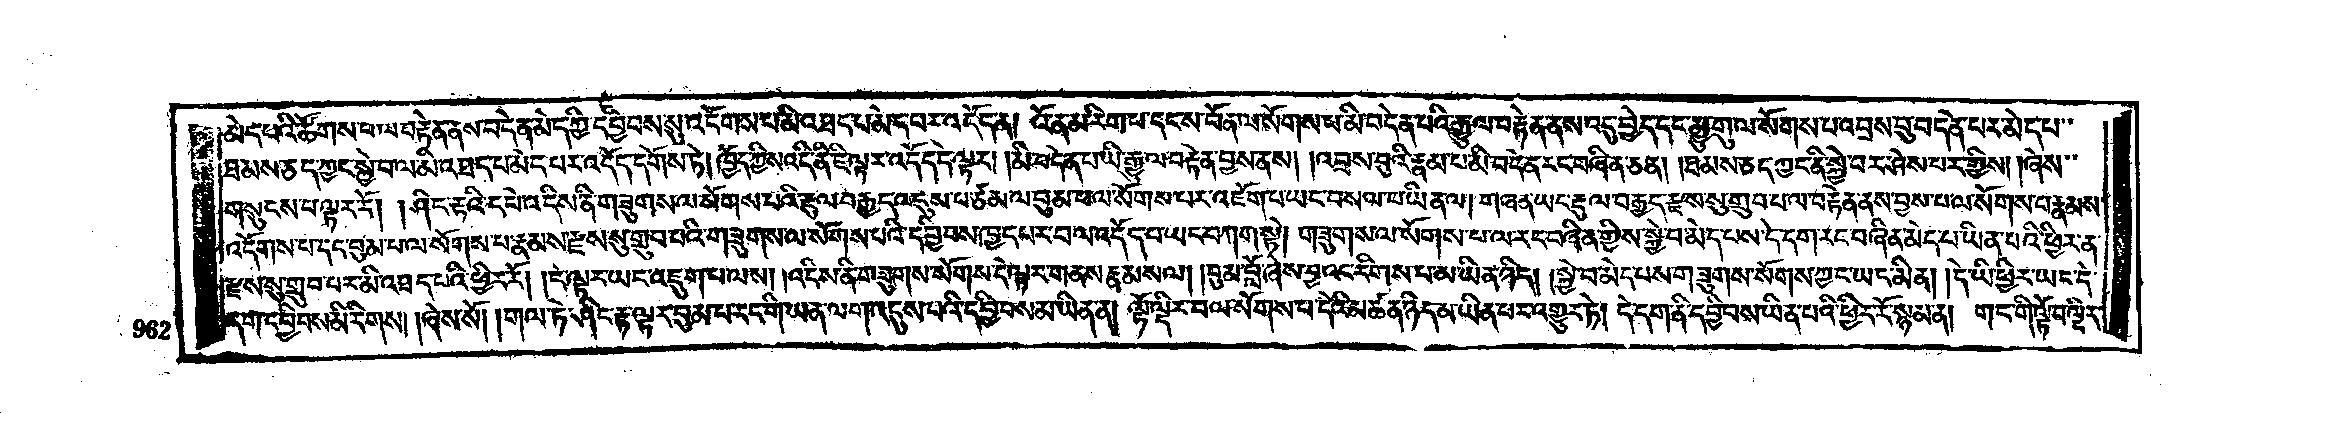མེད་པའི་ཚོགས་པ་ལ་བརྟེན་ནས་བདེན་མེད་ཀྱི་དབྱིབས་སུ་འདོགས་པ་མི་འཐད་པ་མེད་པར་འདོད་ན། འོ་ན་མ་རིག་པ་དང་ས་བོན་ལ་སོགས་པ་མི་བདེན་པའི་རྒྱུ་ལ་བརྟེན་ནས་འདུ་བྱེད་དང་མྱུ་གུ་ལ་སོགས་པ་འབྲས་བུ་བདེན་པར་མེད་པ་
ཐམས་ཅད་ཀྱང་སྐྱེ་བ་ལ་མི་འཐད་པ་མེད་པར་འདོད་དགོས་ཏེ། ཁྱོད་ཀྱིས་འདི་ནི་ཇི་ལྟར་འདོད་དེ་ལྟར། །མི་བདེན་པ་ཡི་རྒྱུ་ལ་བརྟེན་བྱས་ནས། །འབྲས་བུའི་རྣམ་པ་མི་བདེན་རང་བཞིན་ཅན། །ཐམས་ཅད་ཀྱང་ནི་སྐྱེ་བར་ཤེས་པར་གྱིས། །ཞེས་
གསུངས་པ་ལྟར་རོ། །ཤིང་རྟའི་དཔེ་འདིས་ནི་གཟུགས་ལ་སོགས་པའི་རྡུལ་བརྒྱད་འདུས་པ་ཙམ་ལ་བུམ་པ་ལ་སོགས་པར་འཇོག་པ་ཡང་བསལ་བ་ཡིན་ལ། གཞན་ཡང་རྡུལ་བརྒྱད་རྫས་སུ་གྲུབ་པ་ལ་བརྟེན་ནས་བུམ་པ་ལ་སོགས་པ་རྣམས་
འདོགས་པ་དང་བུམ་པ་ལ་སོགས་པ་རྣམས་རྫས་སུ་གྲུབ་པའི་གཟུགས་ལ་སོགས་པའི་དབྱིབས་ཁྱད་པར་བ་ལ་འདོད་པ་ཡང་བཀག་སྟེ། གཟུགས་ལ་སོགས་པ་ལ་རང་བཞིན་གྱིས་སྐྱེ་བ་མེད་པས་དེ་དག་རང་བཞིན་མེད་པ་ཡིན་པའི་ཕྱིར་ན་
རྫས་སུ་གྲུབ་པར་མི་འཐད་པའི་ཕྱིར་རོ། །དེ་ལྟར་ཡང་འཇུག་པ་ལས། འདིས་ནི་གཟུགས་སོགས་དེ་ལྟར་གནས་རྣམས་ལ། །བུམ་བློ་ཞེས་བྱའང་རིགས་པ་མ་ཡིན་ཉིད། །སྐྱེ་བ་མེད་པས་གཟུགས་སོགས་ཀྱང་ཡོད་མིན། །དེ་ཡི་ཕྱིར་ཡང་དེ་
དག་དབྱིབས་མི་རིགས། །ཞེས་སོ། །གལ་ཏེ་ཤིང་རྟ་ལྟར་བུམ་པ་རང་གི་ཡན་ལག་འདུས་པའི་དབྱིབས་མ་ཡིན་ན། ལྟོ་ལྡིར་བ་ལ་སོགས་པ་དེའི་མཚན་ཉིད་མ་ཡིན་པར་འགྱུར་ཏེ། དེ་དག་ནི་དབྱིབས་ཡིན་པའི་ཕྱིར་རོ་སྙམ་ན། གང་གི་ལྟོ་བ་ལྡིར་